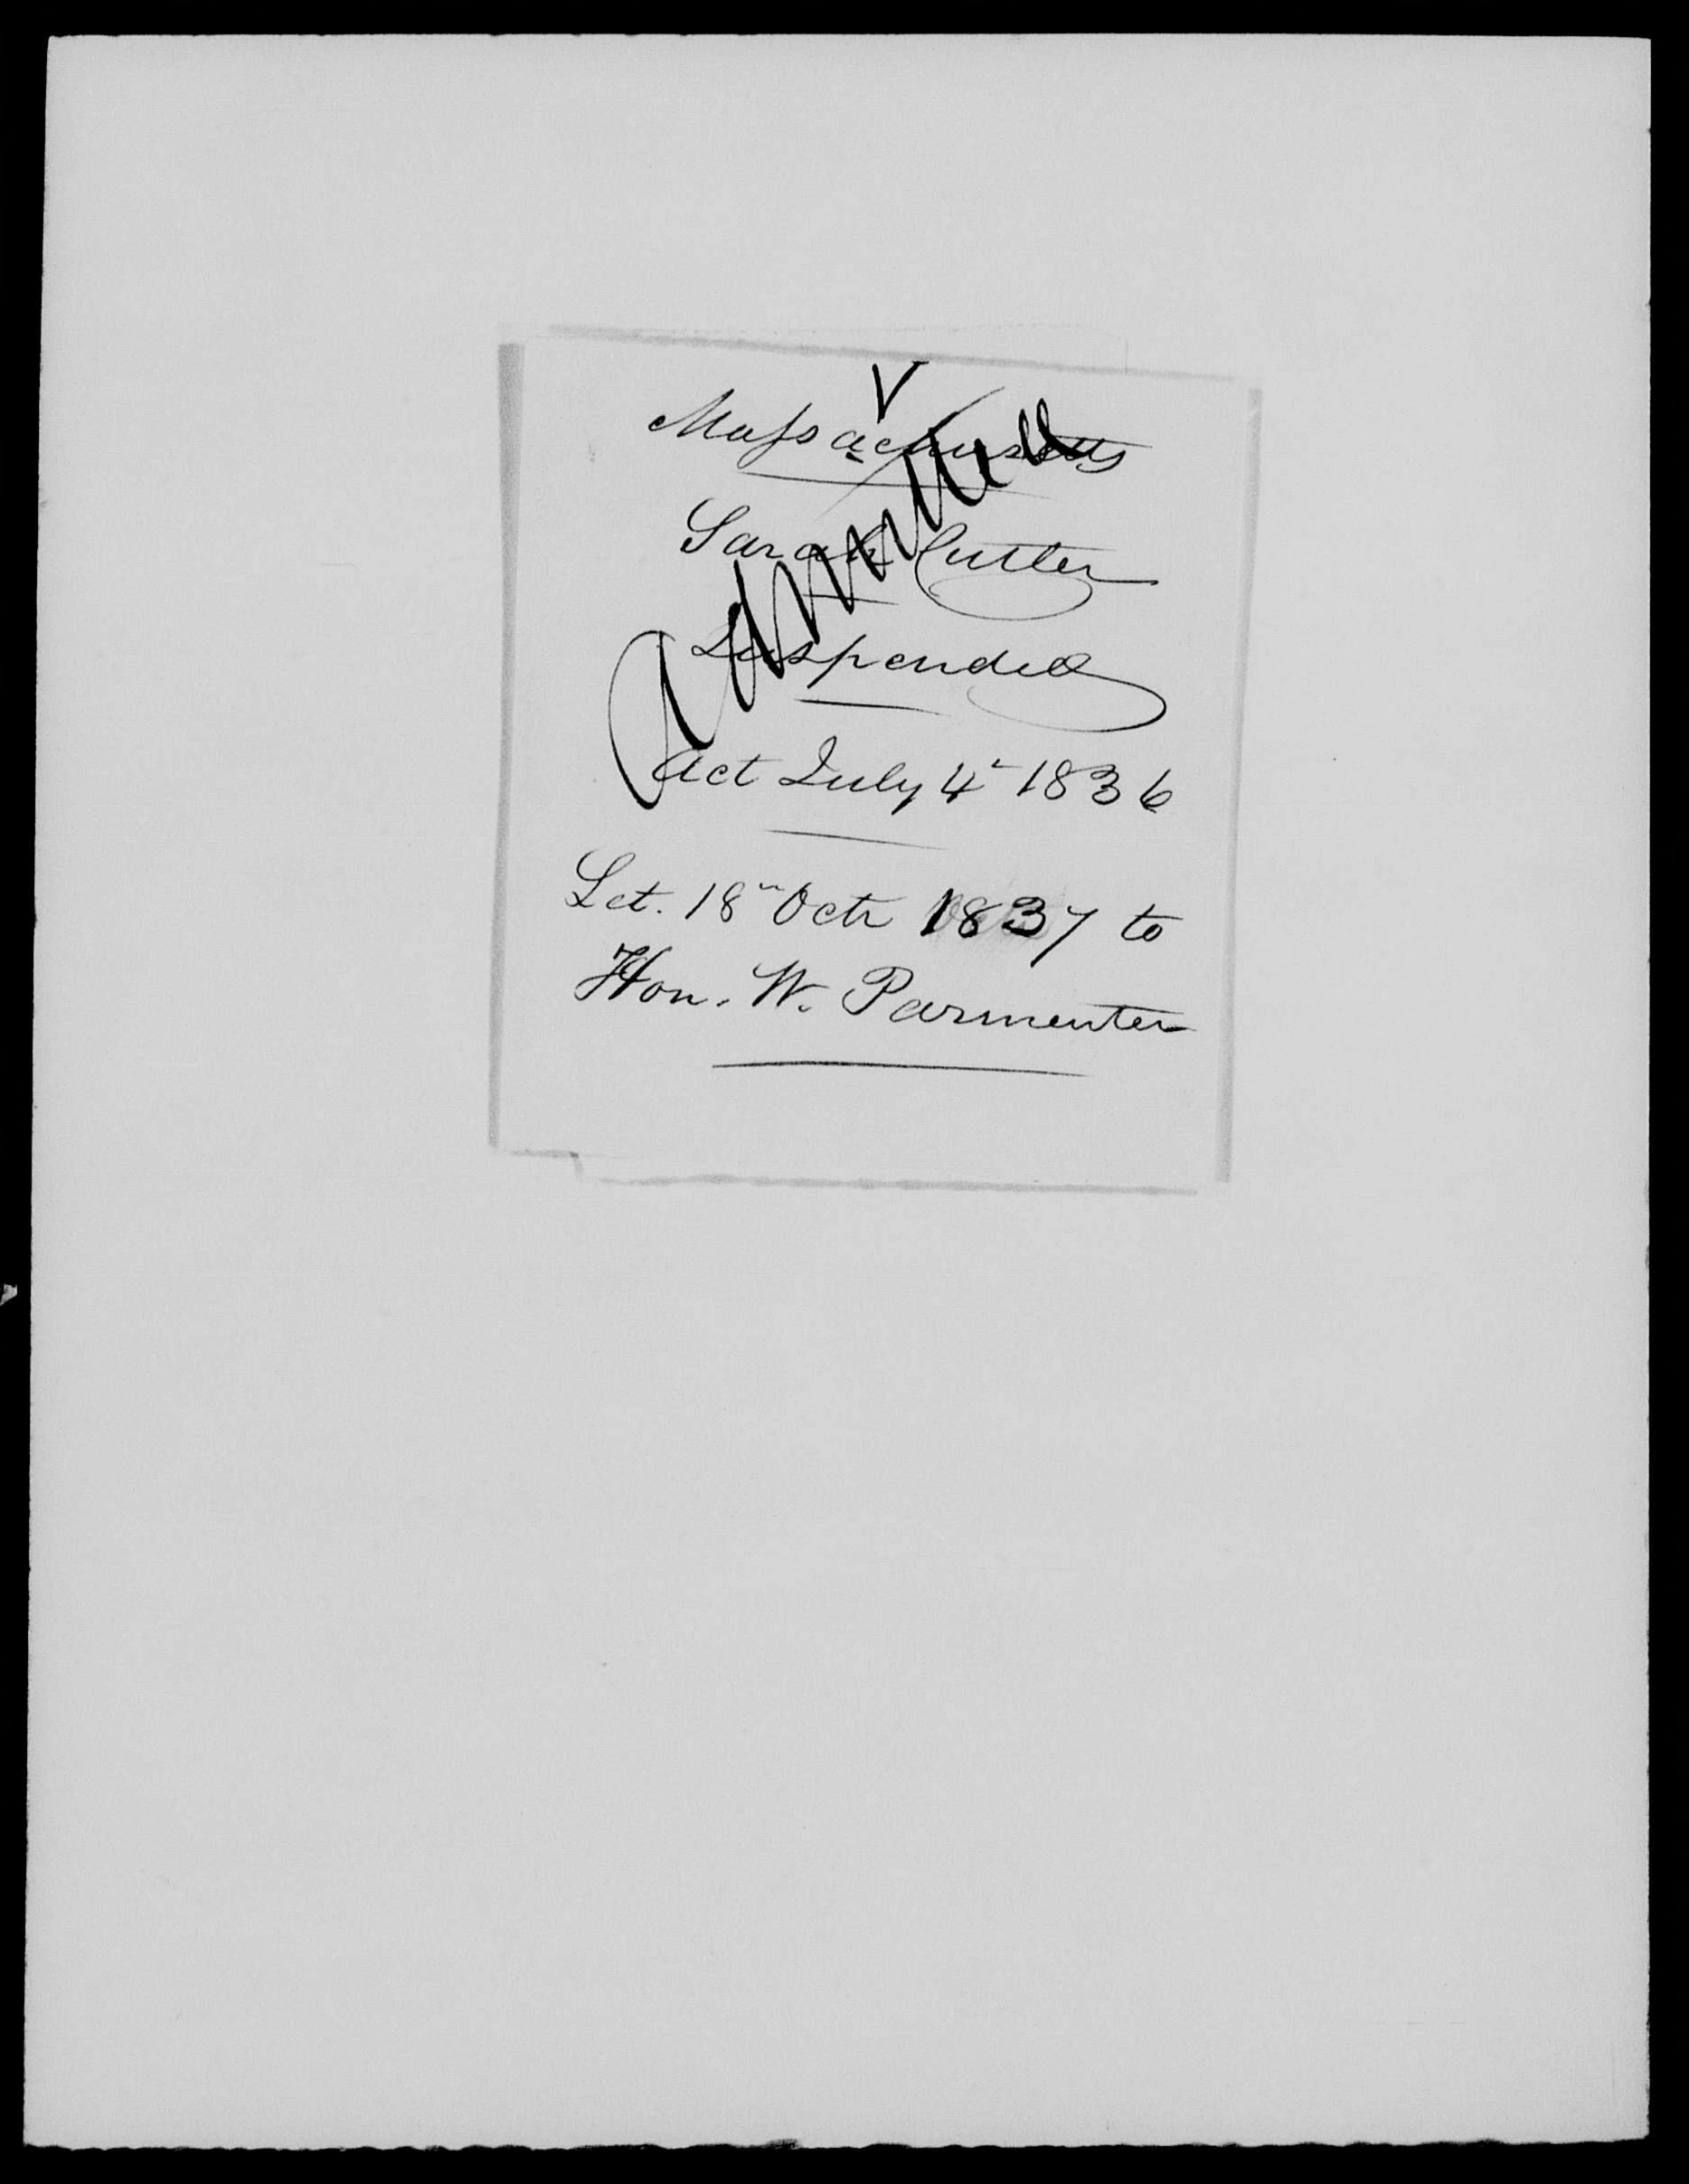Massachusetts
Sarah Cutler
Suspended
Admitted
Act July 4th 1836
Let. 18th Oct 1837 to 
Hon. W. Parmenter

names: W Parmenter, Sarah Cutler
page: 11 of 22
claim: widow's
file: W. 14,552, Abel Cutler, Mass.